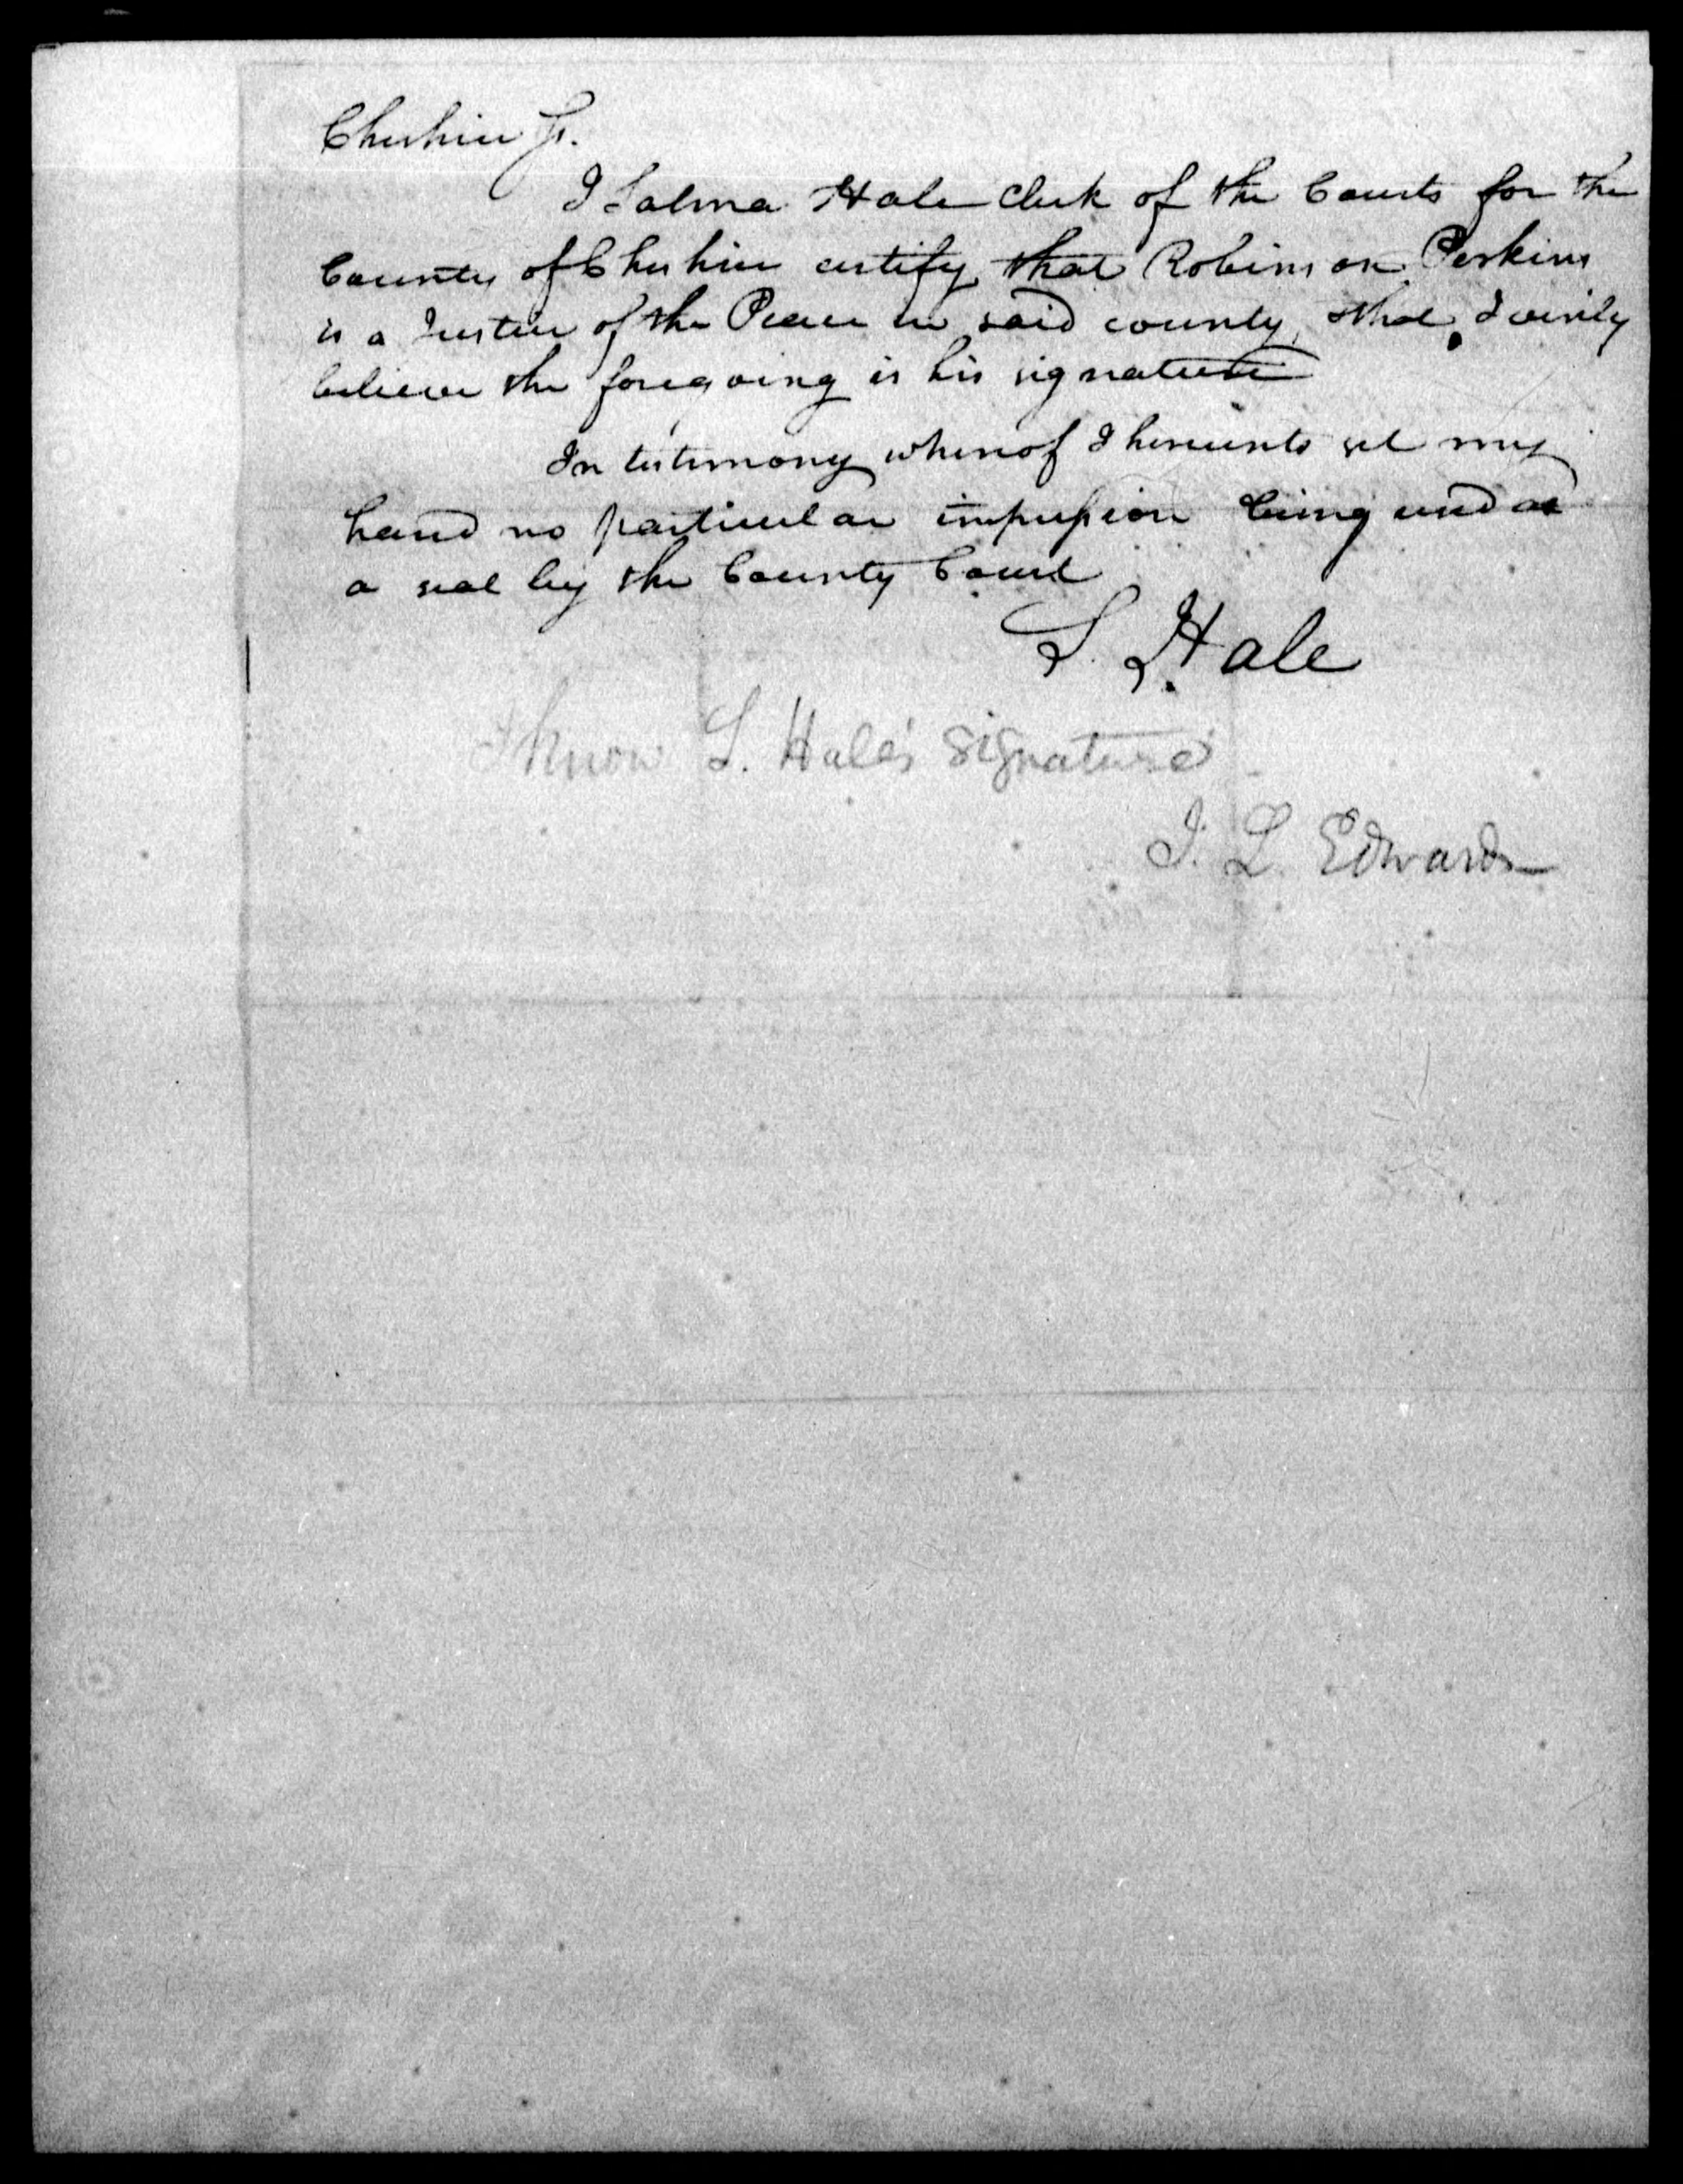Cheshire
I Salma Hale clerk of the Courts for the County of Cheshire certify that Robinson Perkins is a Justice of the Peace in said county, That I verily believe the foregoing is his signature
In testimony whereof I hereunto set my hand no particular impression being as a [illegible] by the county court
S. Hale

I know S. Hales signature
J.L. Edwards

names: J L Edwards; Salma Hale; S Hale; S Hale; Robinson Perkins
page: 14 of 19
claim: survivor's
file: S 41975, for Hinds Reed, New Hampshire